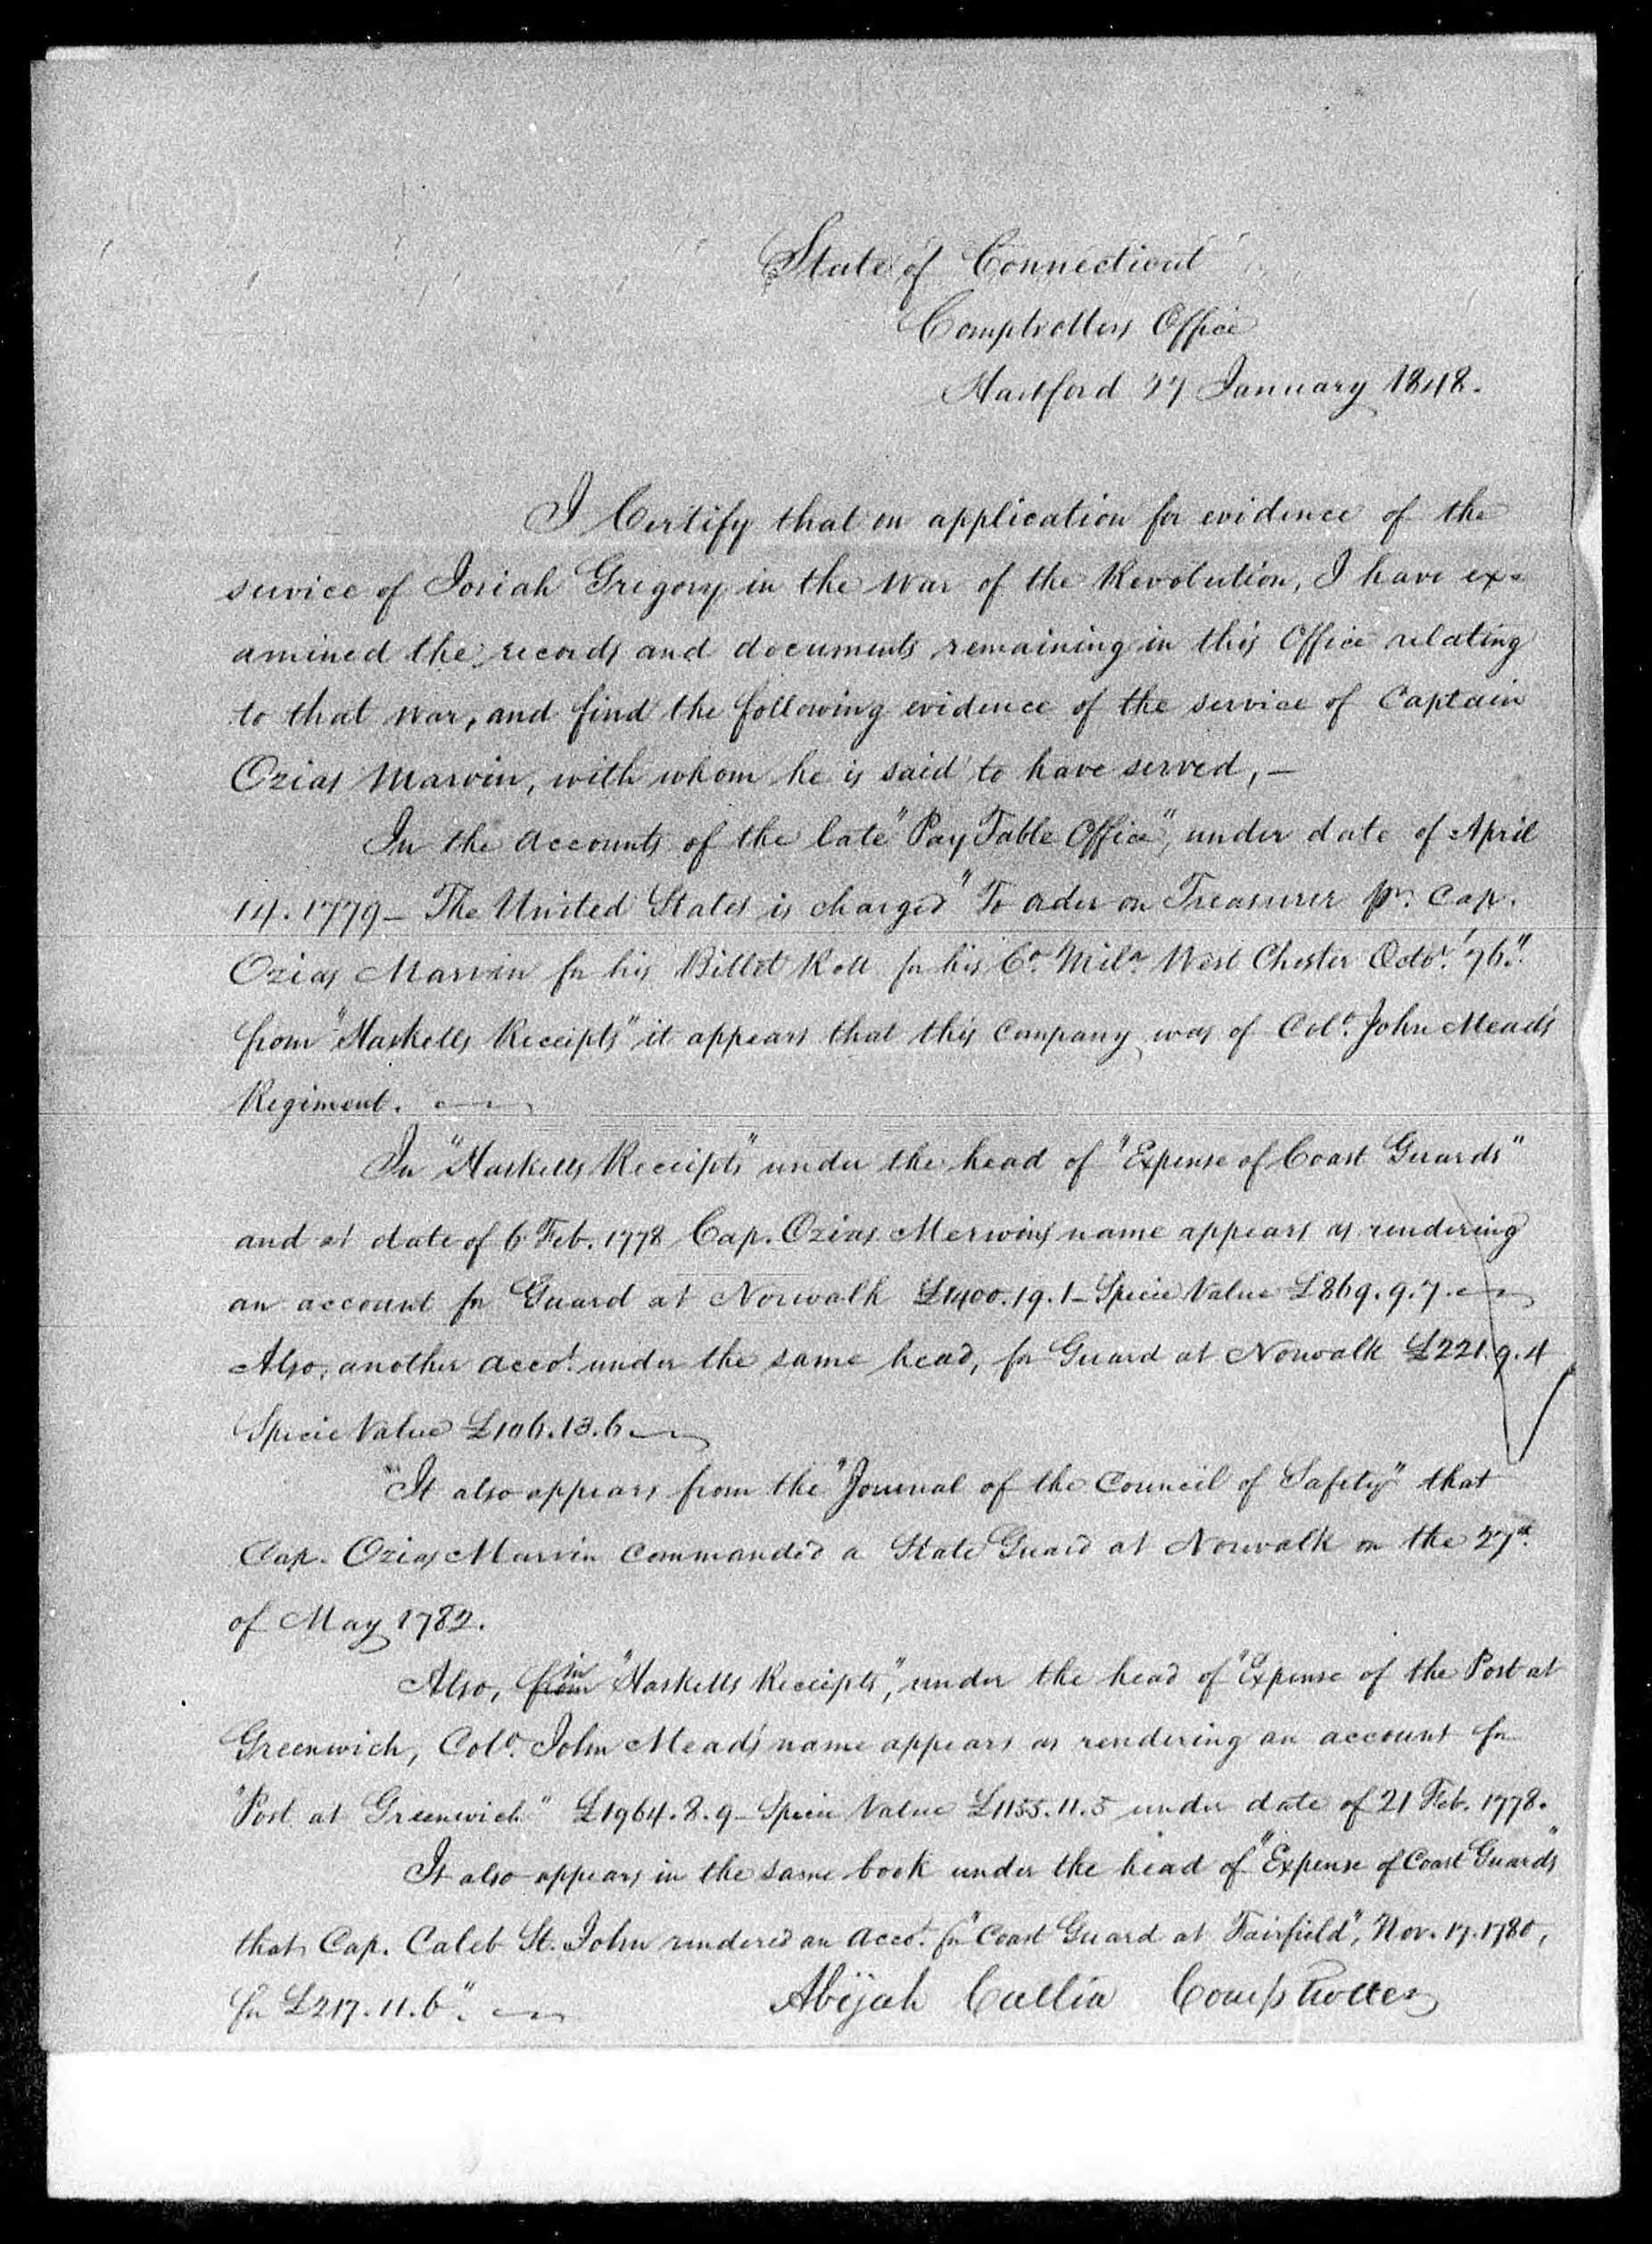State of Connecticut
Comptrollers Office
Hartford 27 January 1848.

I certify that in application for evidence of the service of Josiah Gregory in the War of the Revolution, I have examined the records and documents remaining in this Office relating to that war, and find the following evidence  of the service of Captain Ozias Marvin, with whom he is said to have served, - 
    In the accounts of the late Pay Table Office "under date of April 14, 1779 - The United States is charged 'To order a Treasurer per Cap Ozias Marvin for his Billet Roll for his Ct. Mila. West Chester Octbr. '76." from "Haskells Receipts" it appears that this Company was of Colo. John Mead's Regiment. ---
   In "Haskells Receipts" under the head of "Expense of Coast Guards" and at date of 6 Feb. 1778 Capt Ozias Merwins [sic] name appears in rendering an account under the same hand for Guard at Norwalk  L221.9.4  [pounds] Specic Value L106.13.6 ---
   It also appears from the "Journal of the Council of Safety" that Cap. Ozias Marvin commanded a State Guard at Norwalk on the 27th of May 1782.
     Also, in "Haskells Receipts", under the head of'Expense of the Port at Greenwich, Colo. John Mead's name appears as rendering an account for "Port of Greenwich"  L1964.8.9 - Specic Value L1155.11.5 under the date of 21 Feb. 1778.
     It also appears in the same book under the head of "Expense of Coast Guards", that Cap Caleb St. John rendered an acct. for Coast Guard at Fairfield", Nov. 17. 1780. for, L 217.11.6 ."
    [Signed] Abijah Catlin  [title illegible]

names: Ozias Marvin, Josiah Gregory, Ozias Marvin, Ozias Merwin, Ozias Marvin, Abijah Catlin, Caleb St John, John Mead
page: 25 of 49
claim: widow's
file: W 24308, Josiah Gregory, Conn.